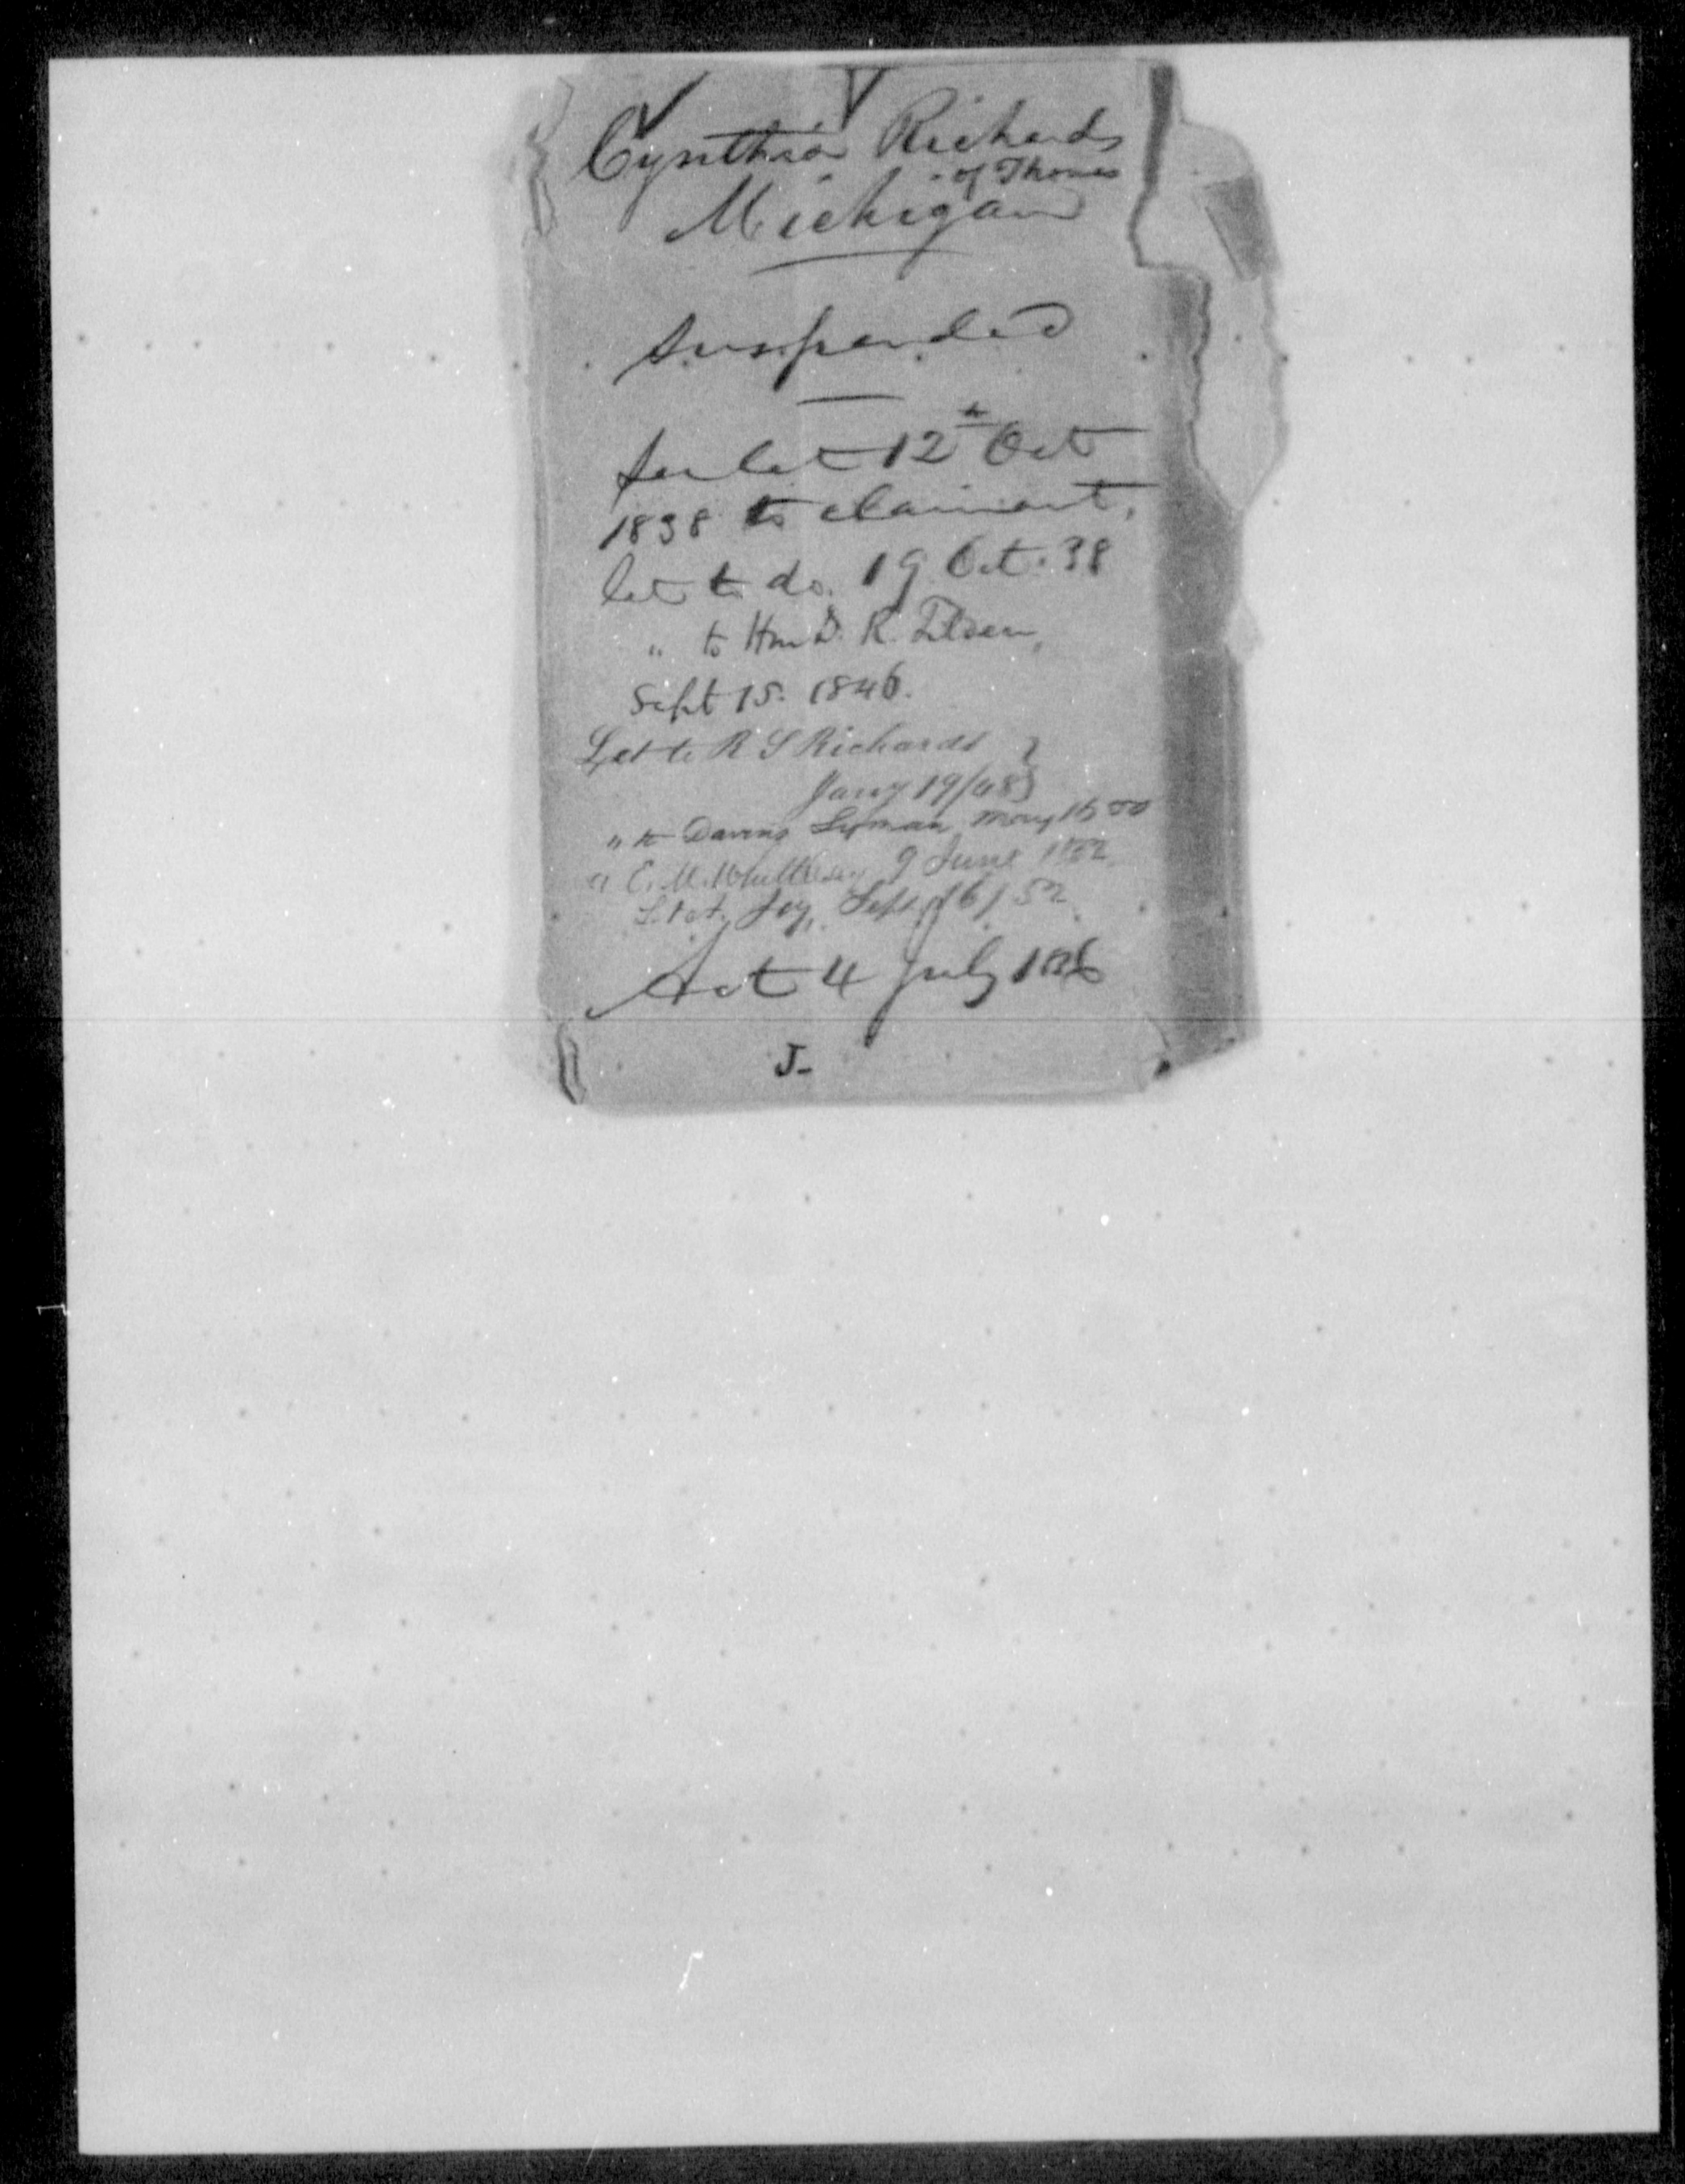✓
Cynthia Richards of Thomas
Michigan
Suspended
---
Sent let [LETTER] 12 Oct 1838 to claimant,
let to do. 19 Oct. [18]38 
 "  to Hon D. R Tilden
Sept 15. 1846.
Let to R S Richards Jany [JANUARY] 19/[18]48}
  " to Darus Lyman May 16 [18]50
  " E M Whittlesey 9 June 1852
Let A. Joy Sept 16 [18]/52
Act 4 July 1836

J.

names: Thomas [BLANK]; R S Richards; A Joy; E M Whittlesey; Cynthia Richards; D R Tilden; Davius Lyman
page: 48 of 109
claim: widow's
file: W. 5709, for Thomas Richards, New Hampshire